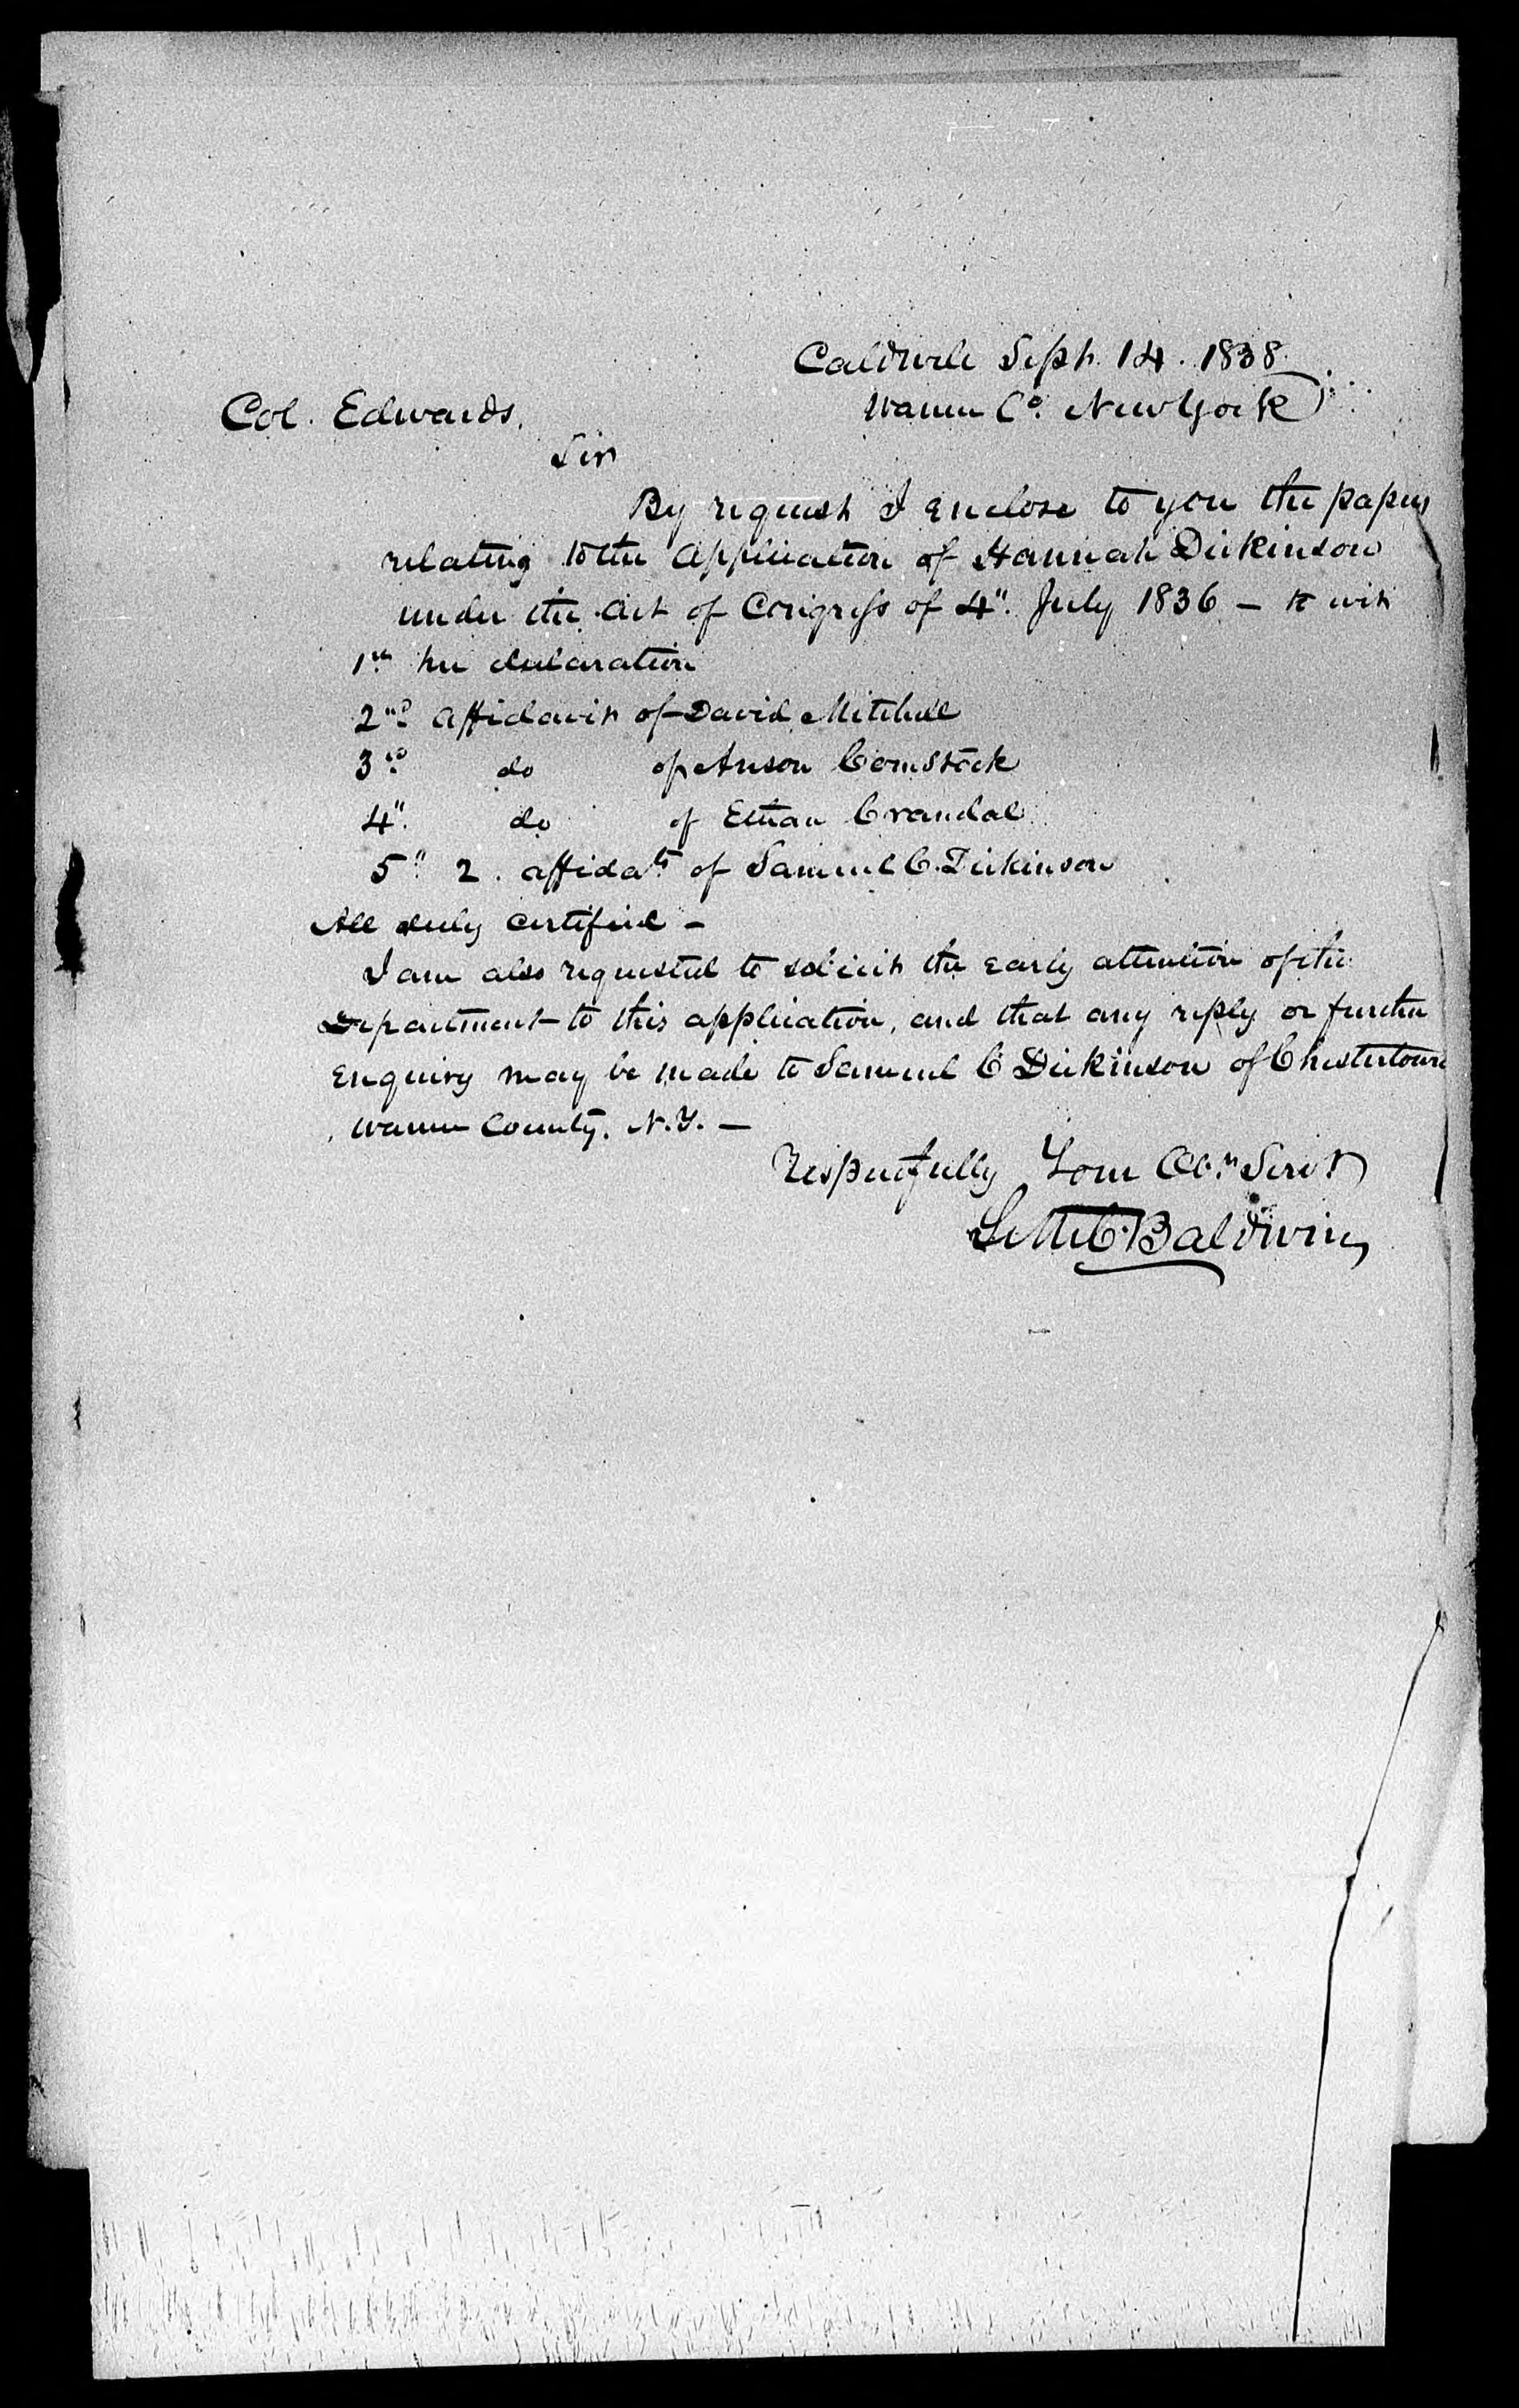Caldwell Sept 14 1838
Warren Co. New York

Col. Edwards
Sir
By request I enclose to you the papers
relating to the application of Hannah Dickinson
under the Act of Congress of 4 July 1836 - to wit
1st her declaration
2nd Affidavit of David Mitchell
3rd do [Affidavit] of Anson Comstock
4th do [Affidavit of Ethan Crandal
5th 2 affidavits of Samuel C. Dickinson
All duly certified.

I am also requested to solicit the early attention of the
Department to this application, and that any reply or further
Enquiry may be made to Samuel C. Dickinson of Chestertown
Warren County. N.Y.
Respectfully your Obn Servt
Seth C. Baldwin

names: Seth C Baldwin, Ethan Crandal, Samuel C Dickinson, David Mitchell, Anson Comstock, Edwards, Samuel C Dickinson, Hannah Dickinson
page: 36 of 60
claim: widow's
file: W 16,955, Samuel Dickinson, Conn.